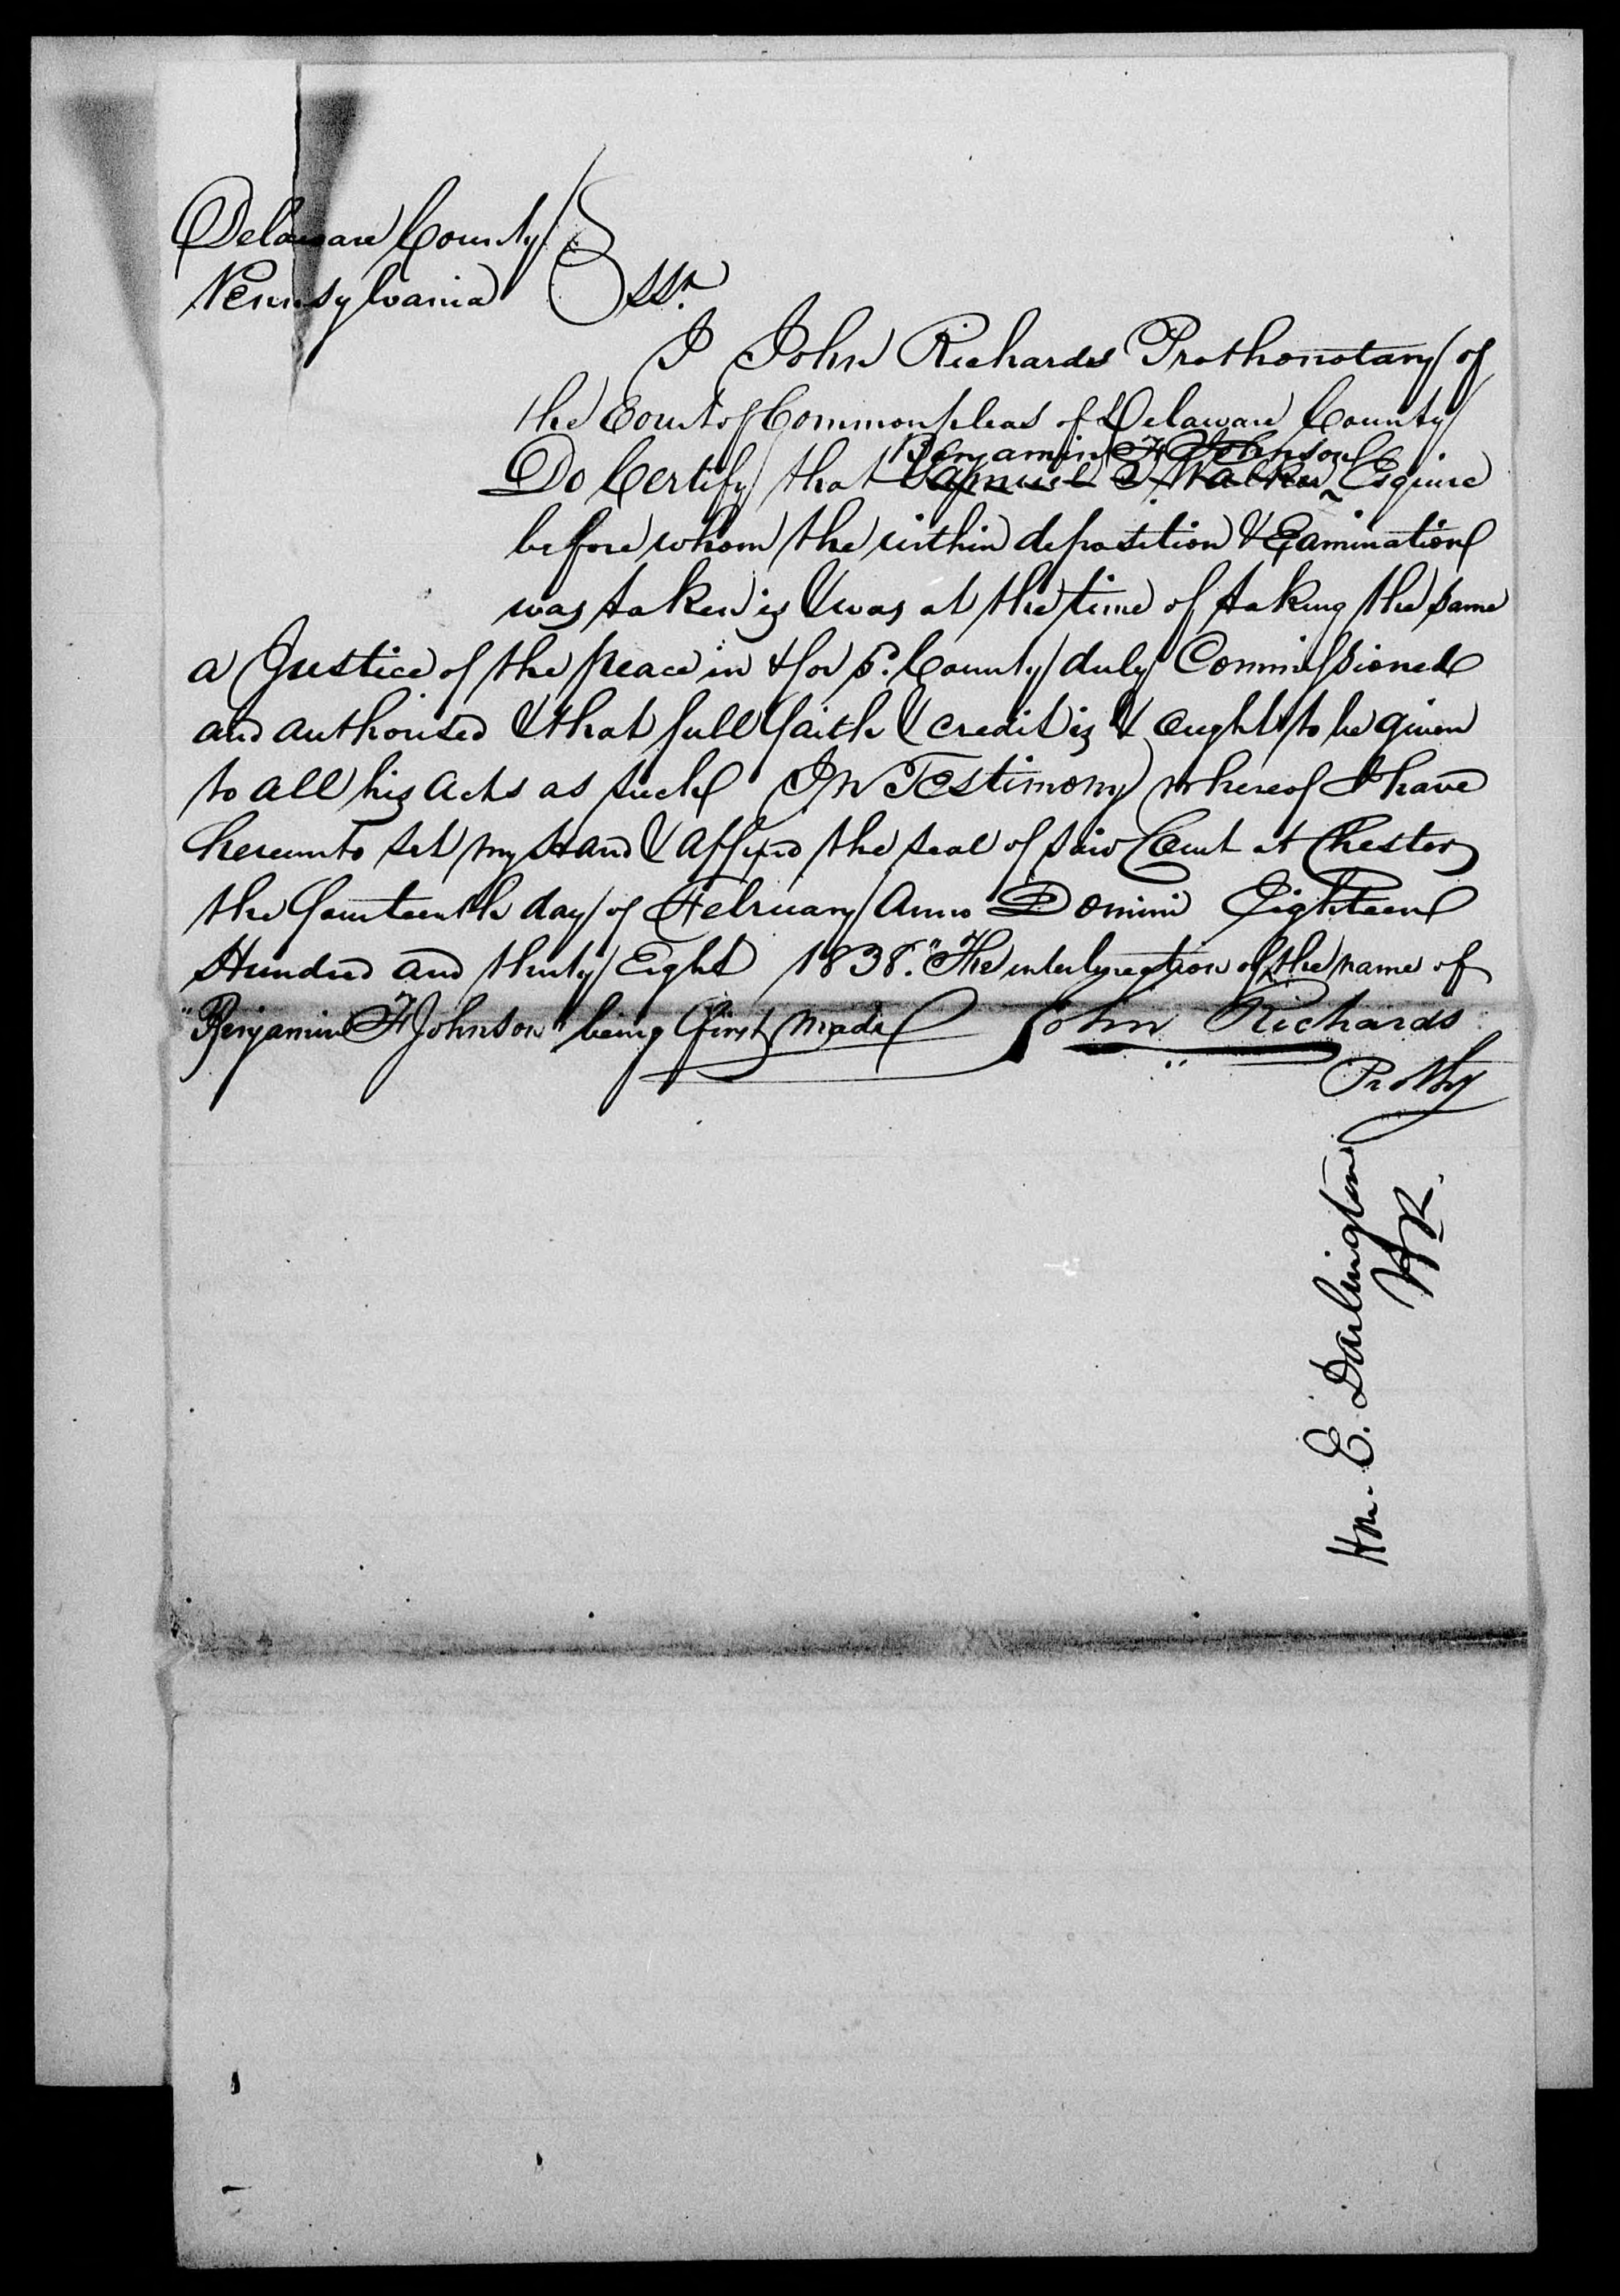Delaware County
Pennsylvania

I John Richards Prothonotary of the Court of Common pleas of Delaware County do certify that Benjamin F Johnson Esquire before whom the within deposition & examination was taken is & was at the time of taking the same a Justice of the peace in & for County duly Commissioned and authorized & that full faith & credit is & ought to be given to all acts as such  & in testimony whereof I have hereunto set my hand & affixed the seal of said Court at Chester this fourteenth day of February Anno Domini Eighteen Hundred and thirty Eight 1838. The [illegible] of the name of Benjamin F Johnson being [illegible] made.
John Richards
Prothy


Hon. E. Darlington
HR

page: 66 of 86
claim: widow's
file: W. 3571, for David Marshall, Pennsylvania